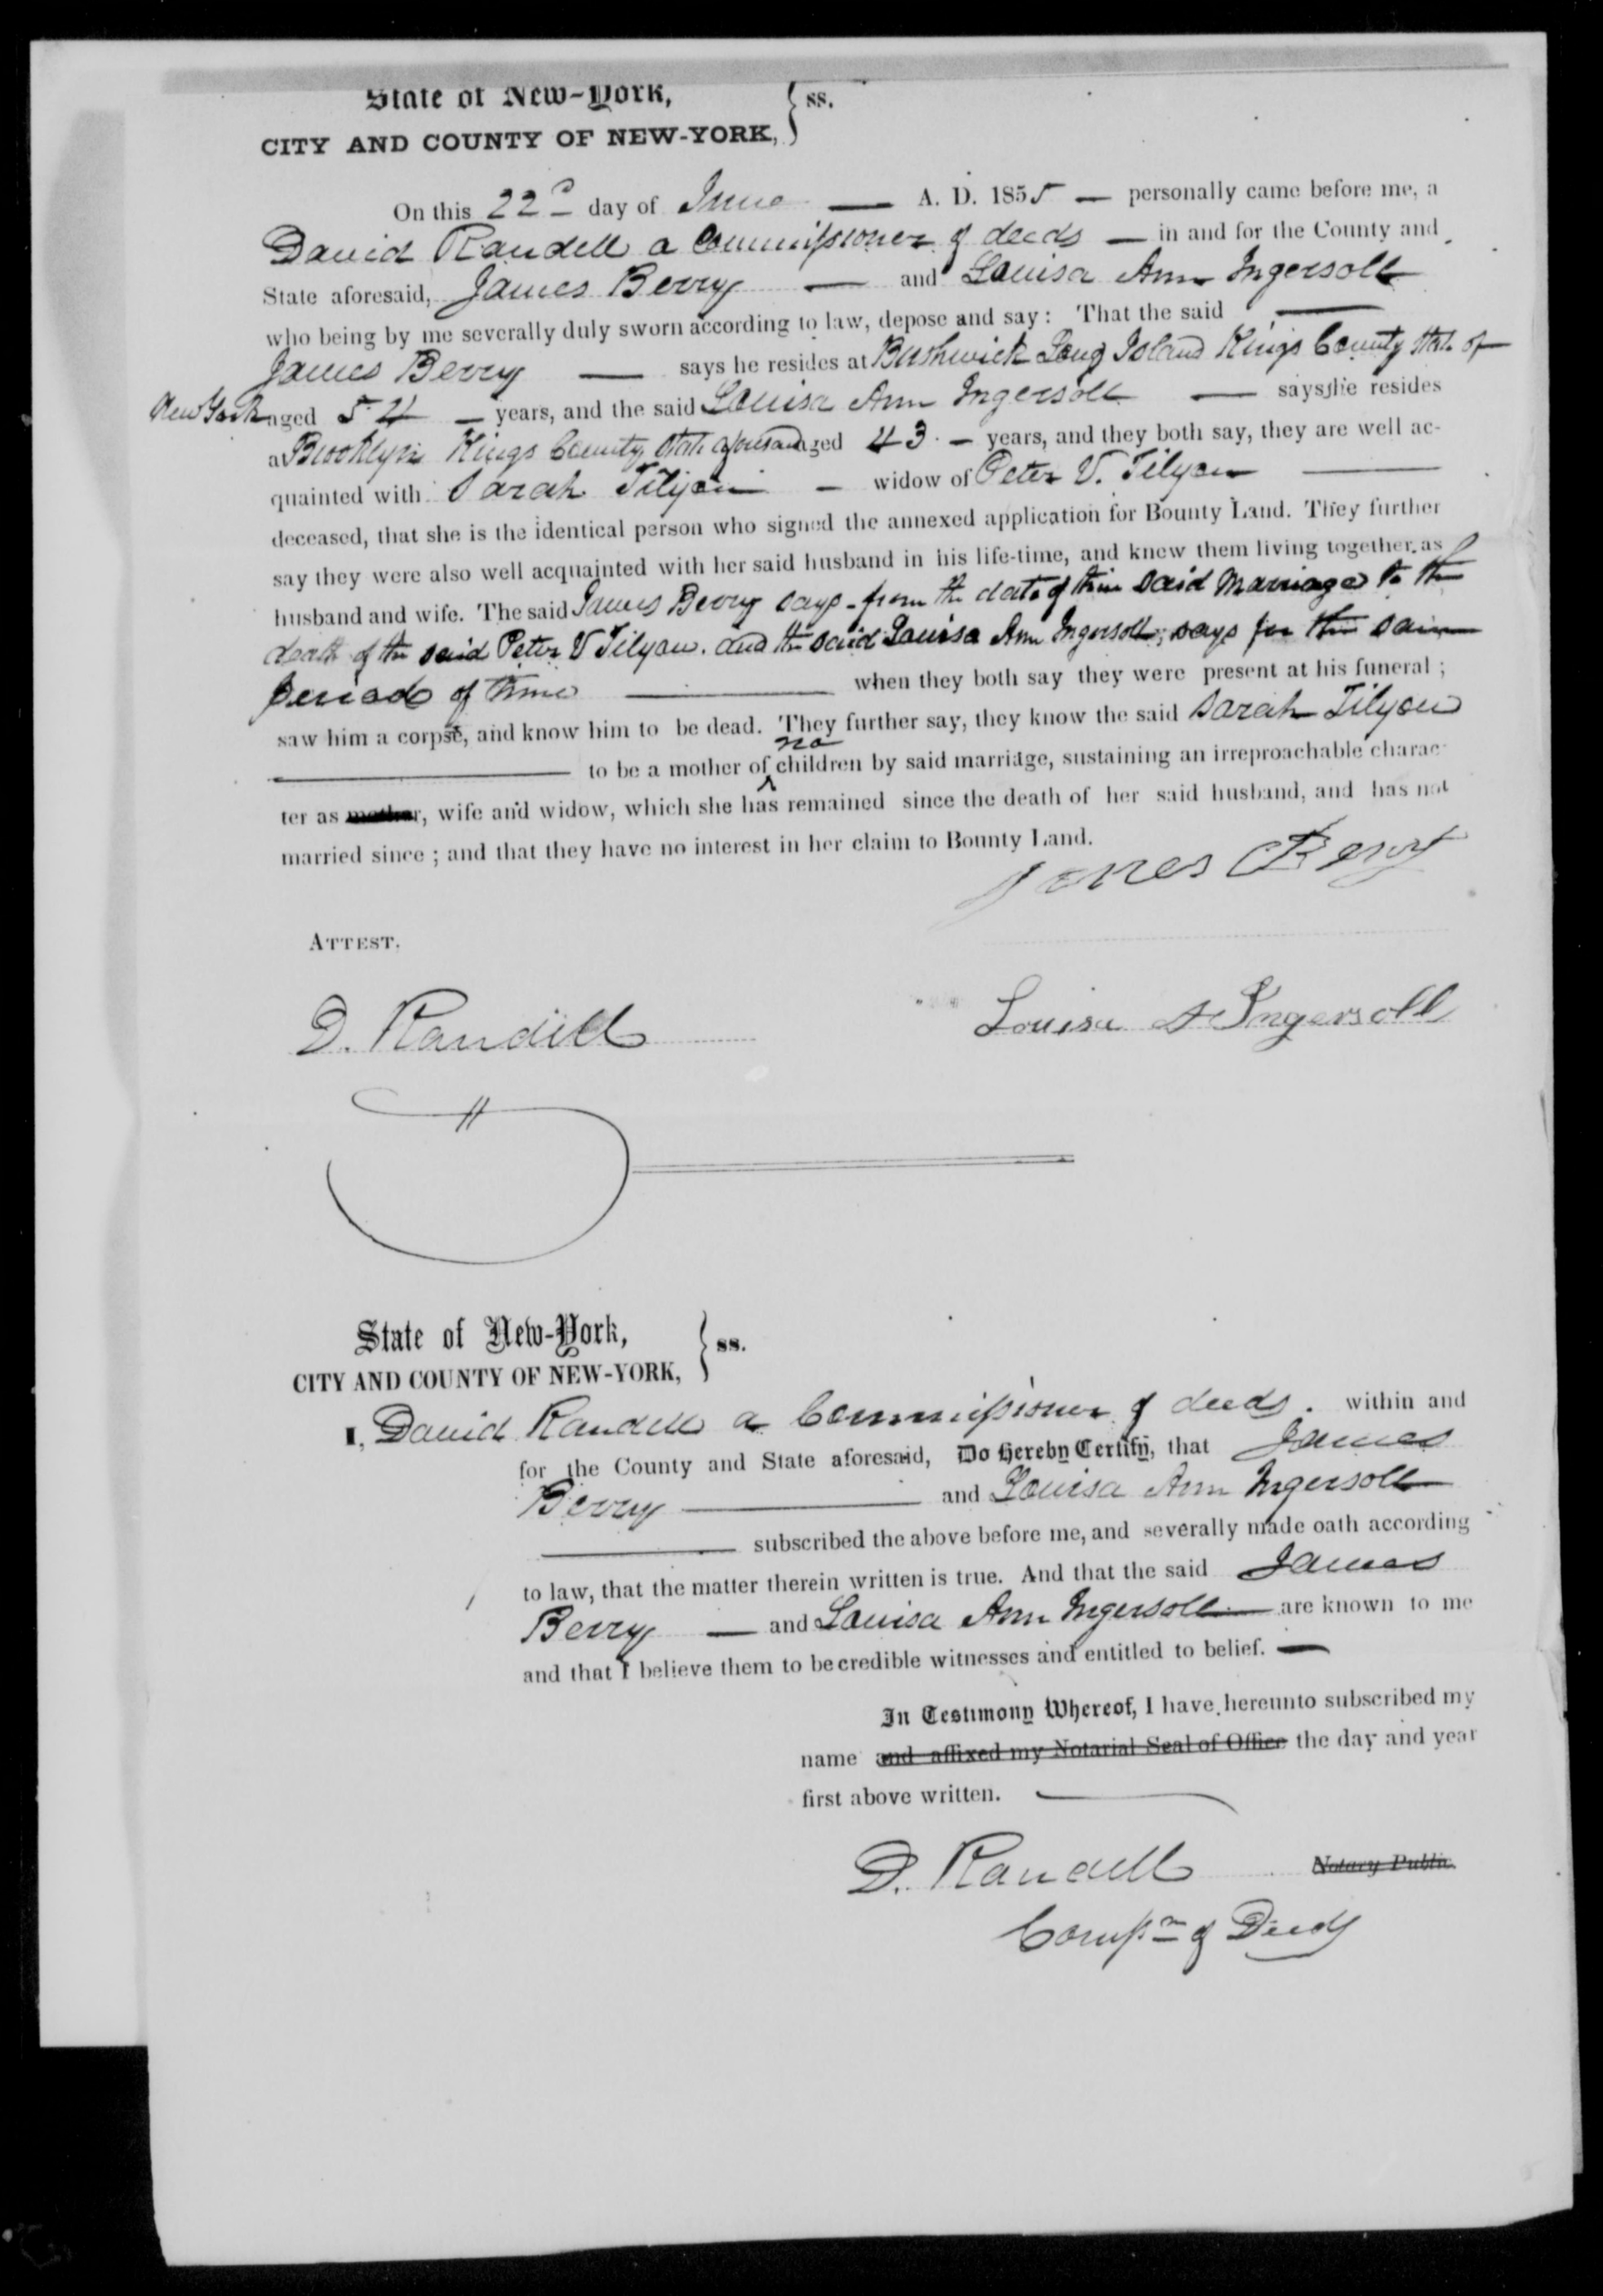State New-York
City and County of New-York } SS

On this 22nd day of June A.D.1855 personally came before me, a David Randell, a Commissioner of Deeds in and for the County and State aforesaid, James Berry and Louisa Ann Ingersoll who being by me severally duly sworn according to law, depose and say: That the said James Berry says he resides at Bushwick Long Island Kings County State of New York aged 54 years and the said Louisa Ann Ingersoll says she resides at Brooklyn Kings County State of New York aged 43 years and they both say they are well acquainted with Sarah Tilyou widow of Peter V. Tilyou deceased, that she is the identical person who signed the annexed application for Bounty Land. They further say they were also well acquainted with her said husband in his lifetime and knew them living together as husband and wife. The said James Berry says from the date of this said marriage to the death of the said Peter v. Tilyou and the said Louise Ann Ingersoll says for this same period of time when they both say they were present at his funeral: saw him a corpse, and know him to be dead. They further say, they know the said Sarah Tilyou to be a mother of no children by said marriage, sustaining an irreproachable character as [mother-crossed out] wife and widow, which she has remained since the death of her said husband, and has not  married since; and that they have no interest in her claim to Bounty Land.

           James Berry (sig)
           Louisa A. Ingersoll (sig)
ATTEST.

D. Randell
_________________________________________________

State of New York
City and County of New-York} SS
I, David Randell a Commissioner of deeds, within and for the County and State aforesaid, Do hereby Certify that James Berry and Louisa Ann Ingersoll are known to me and that I believe them to be credible witnesses and entitled to belief-
In Testimony Whereof, I have hereunto subscribed my Name [and affixed my Notarial Seal of Office- crossed out] the day and year first above written _

D. Randell [Notary Public - crossed out]
Commissioner of Deeds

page: 12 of 101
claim: widow's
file: W. 25481, for Peter V Tilyou, New Jersey